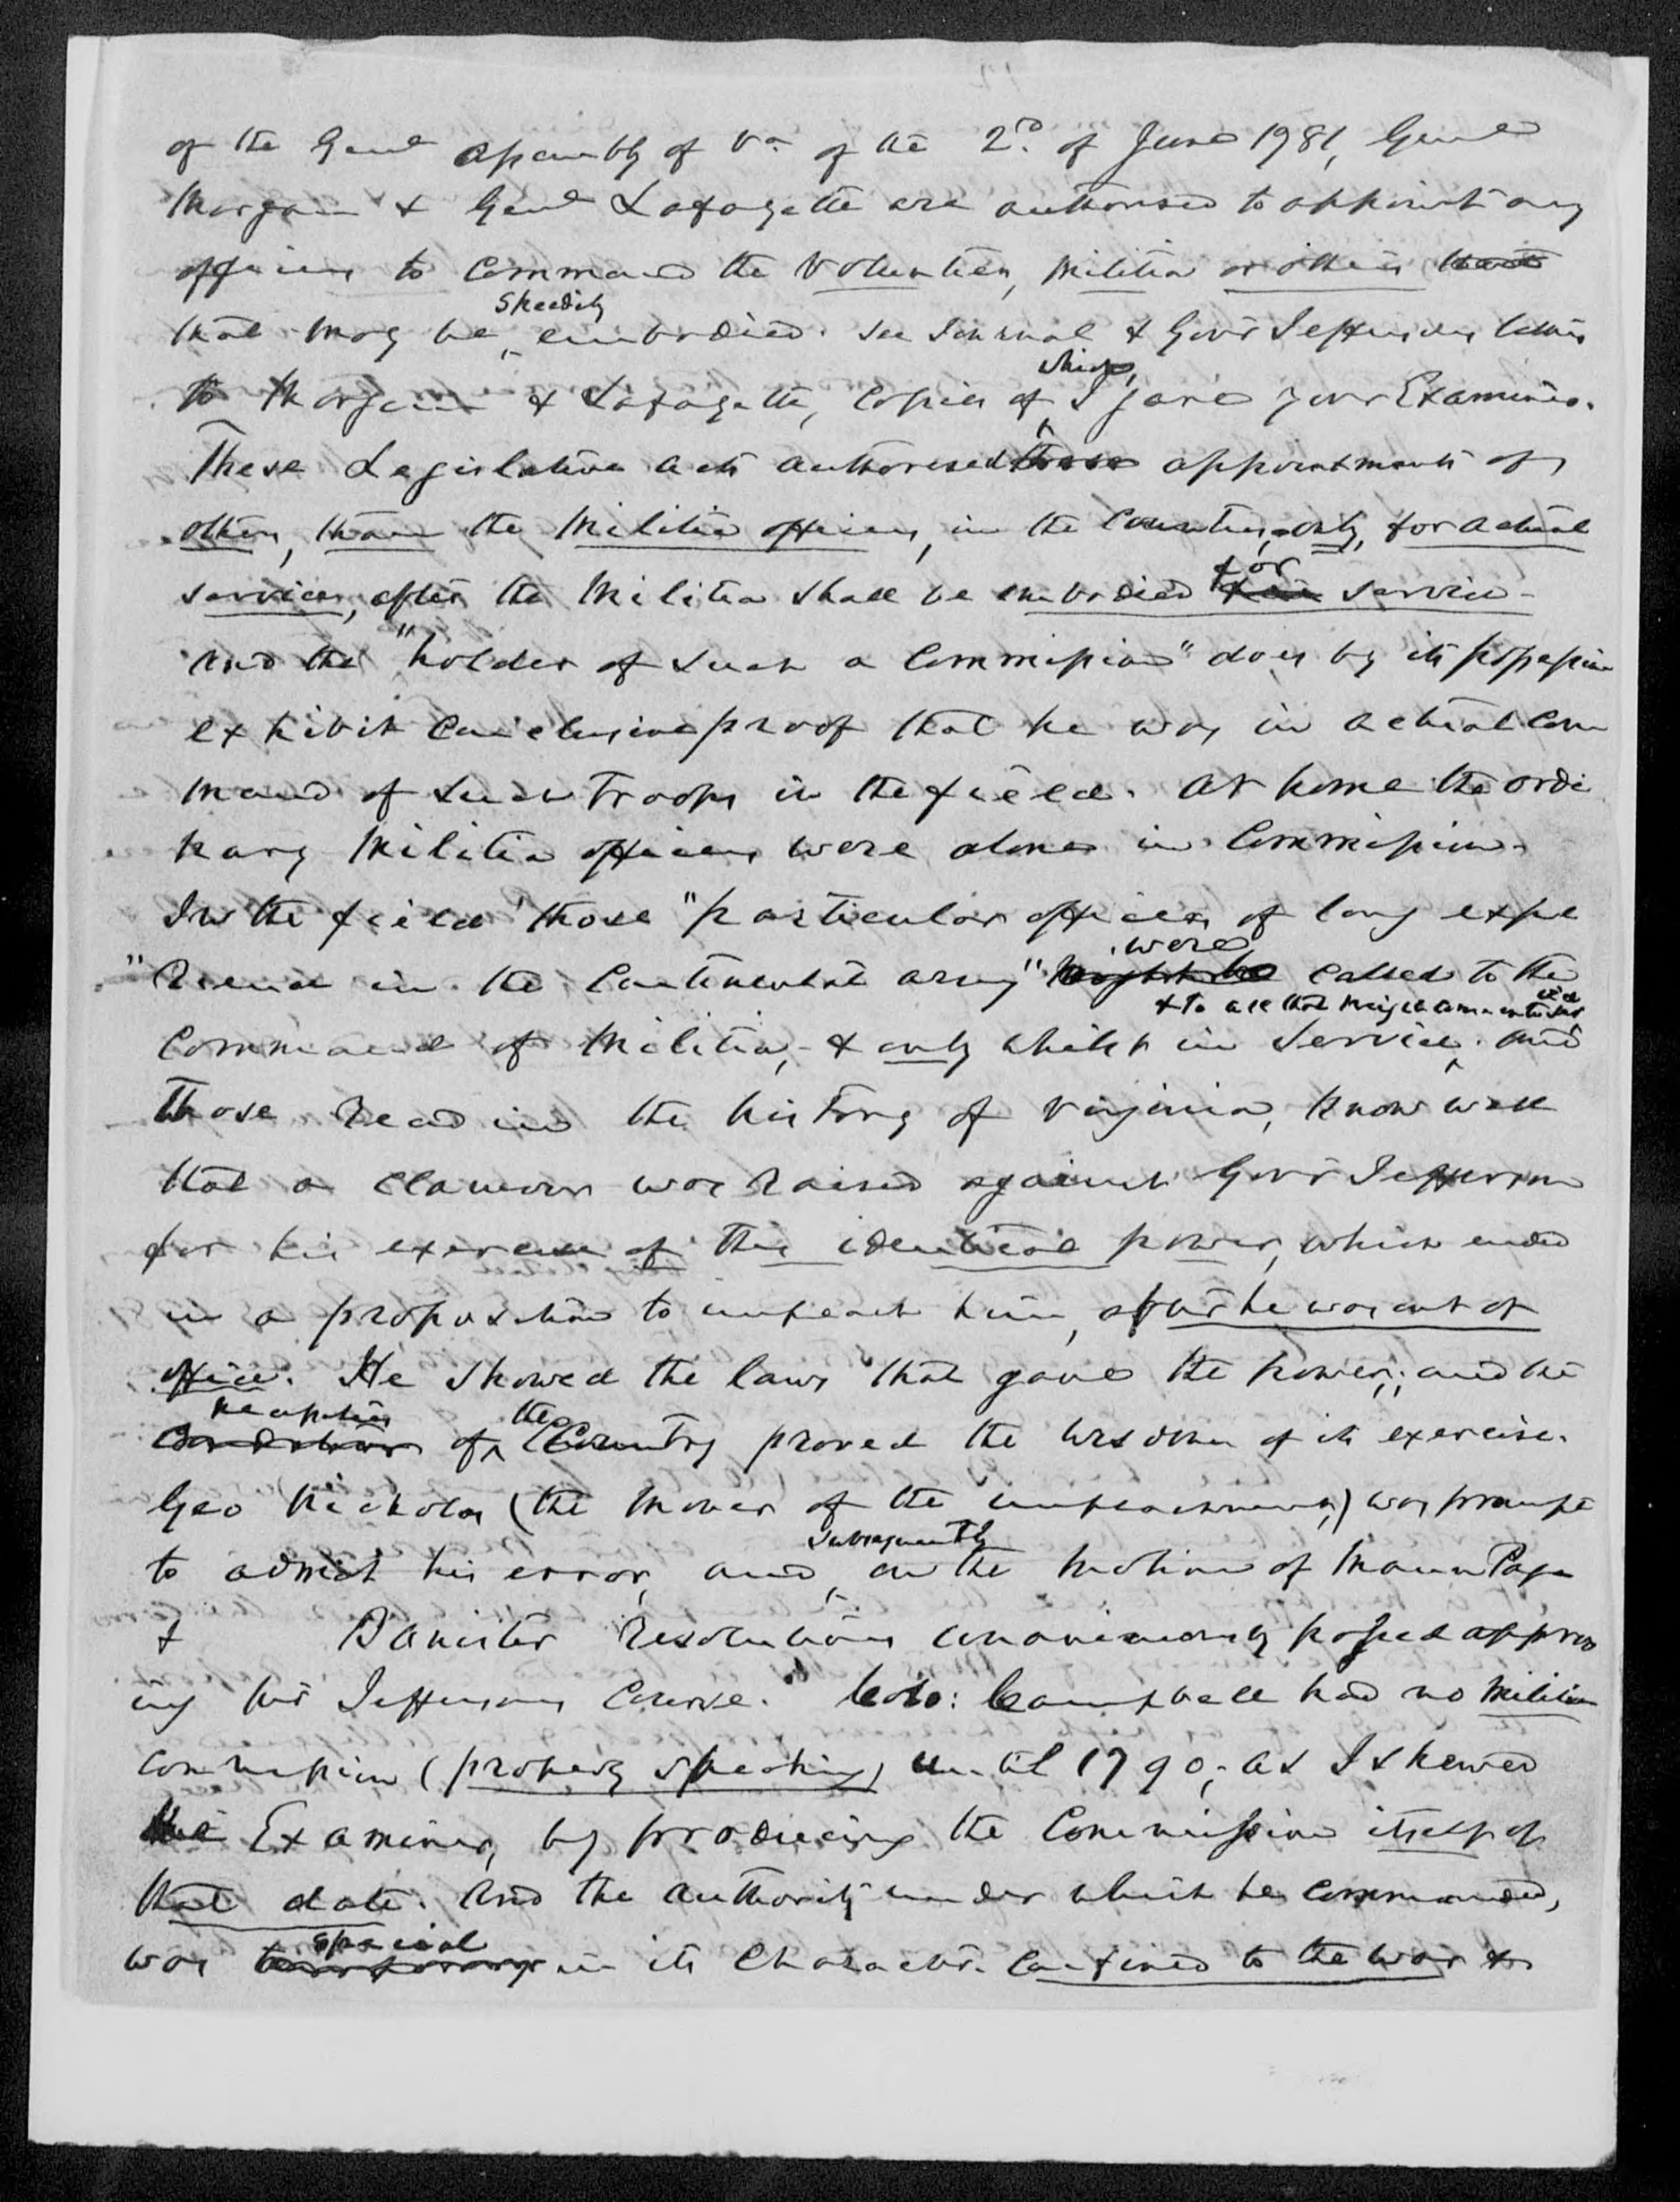of the Genl Assembly of Va. of the 2nd. of June 1781, Genl Morgan +[and][ Genl Lafayette are authorized to appoint any officers to Command the Volunteers [underlined], Militia [underlined], or others [underlined] [crossed out word] that may be speedily embodied.  See Journal +[and] Govr Jeffersons letters to Morgan +[and] Lafayette, copies of which, I gave your Examiner. These Legislative acts authorised [cross out begins] these [end cross out] appointments of others [underlined], therein the Militia officers [last two words underlined], in the Counties only ['only' double underlined] for actual services [three words underlined], after the Militia shall be then order'd for service {previous four words underlined] -- and the holder of such a Commission does by its possession exhibit Conclusive proof that he was in actual command of Such Troops in the field. At home the ordinary Militia officers were alone in Commission.  In the field those "particular officers of long experience in the Continental army", [crossed out word not legible] were called to the command of Militia, +[and] only ['only' underlined] whilst in Service [insert begins] +[and] to all that major amounts indur'd [insert end] and those read in the history of Virginia, know well that a clamour was raised against Govr Jefferson for his exercise of this identical [last two words underlined] power, which ended in a proposition to unseat him, after he was out of office [last six words underlined]. He showed the laws that gave the power and the [crossed out word not legible] necessities of the Country proved the wisdom of its exercise.  Geo Nicholas (the mover of the impeachment,) was prompt to admit his error, and [insert begins] subsequently [insert ends] on the motion of Mann Pass +[and] Banister resolutions unanimously passed affirmatively in Jeffersons Course.  Colo: Campbell had no Militia [underlined] commission (properly speaking) [underlined words in brackets] until 1790; as I showed the Examiner by producing the Commission itself of that date [last two words underlined].  And the authority under which he commanded, was [crossed out word 'temporary'] special in its character confined to the war [last four words underlined] for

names: Jefferson, Geo Nicholas, Campbell, Jefferson, Jefferson, Lafayette, Morgan, Lafayette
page: 233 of 267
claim: widow's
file: W. 4,149, William Campbell, Va.